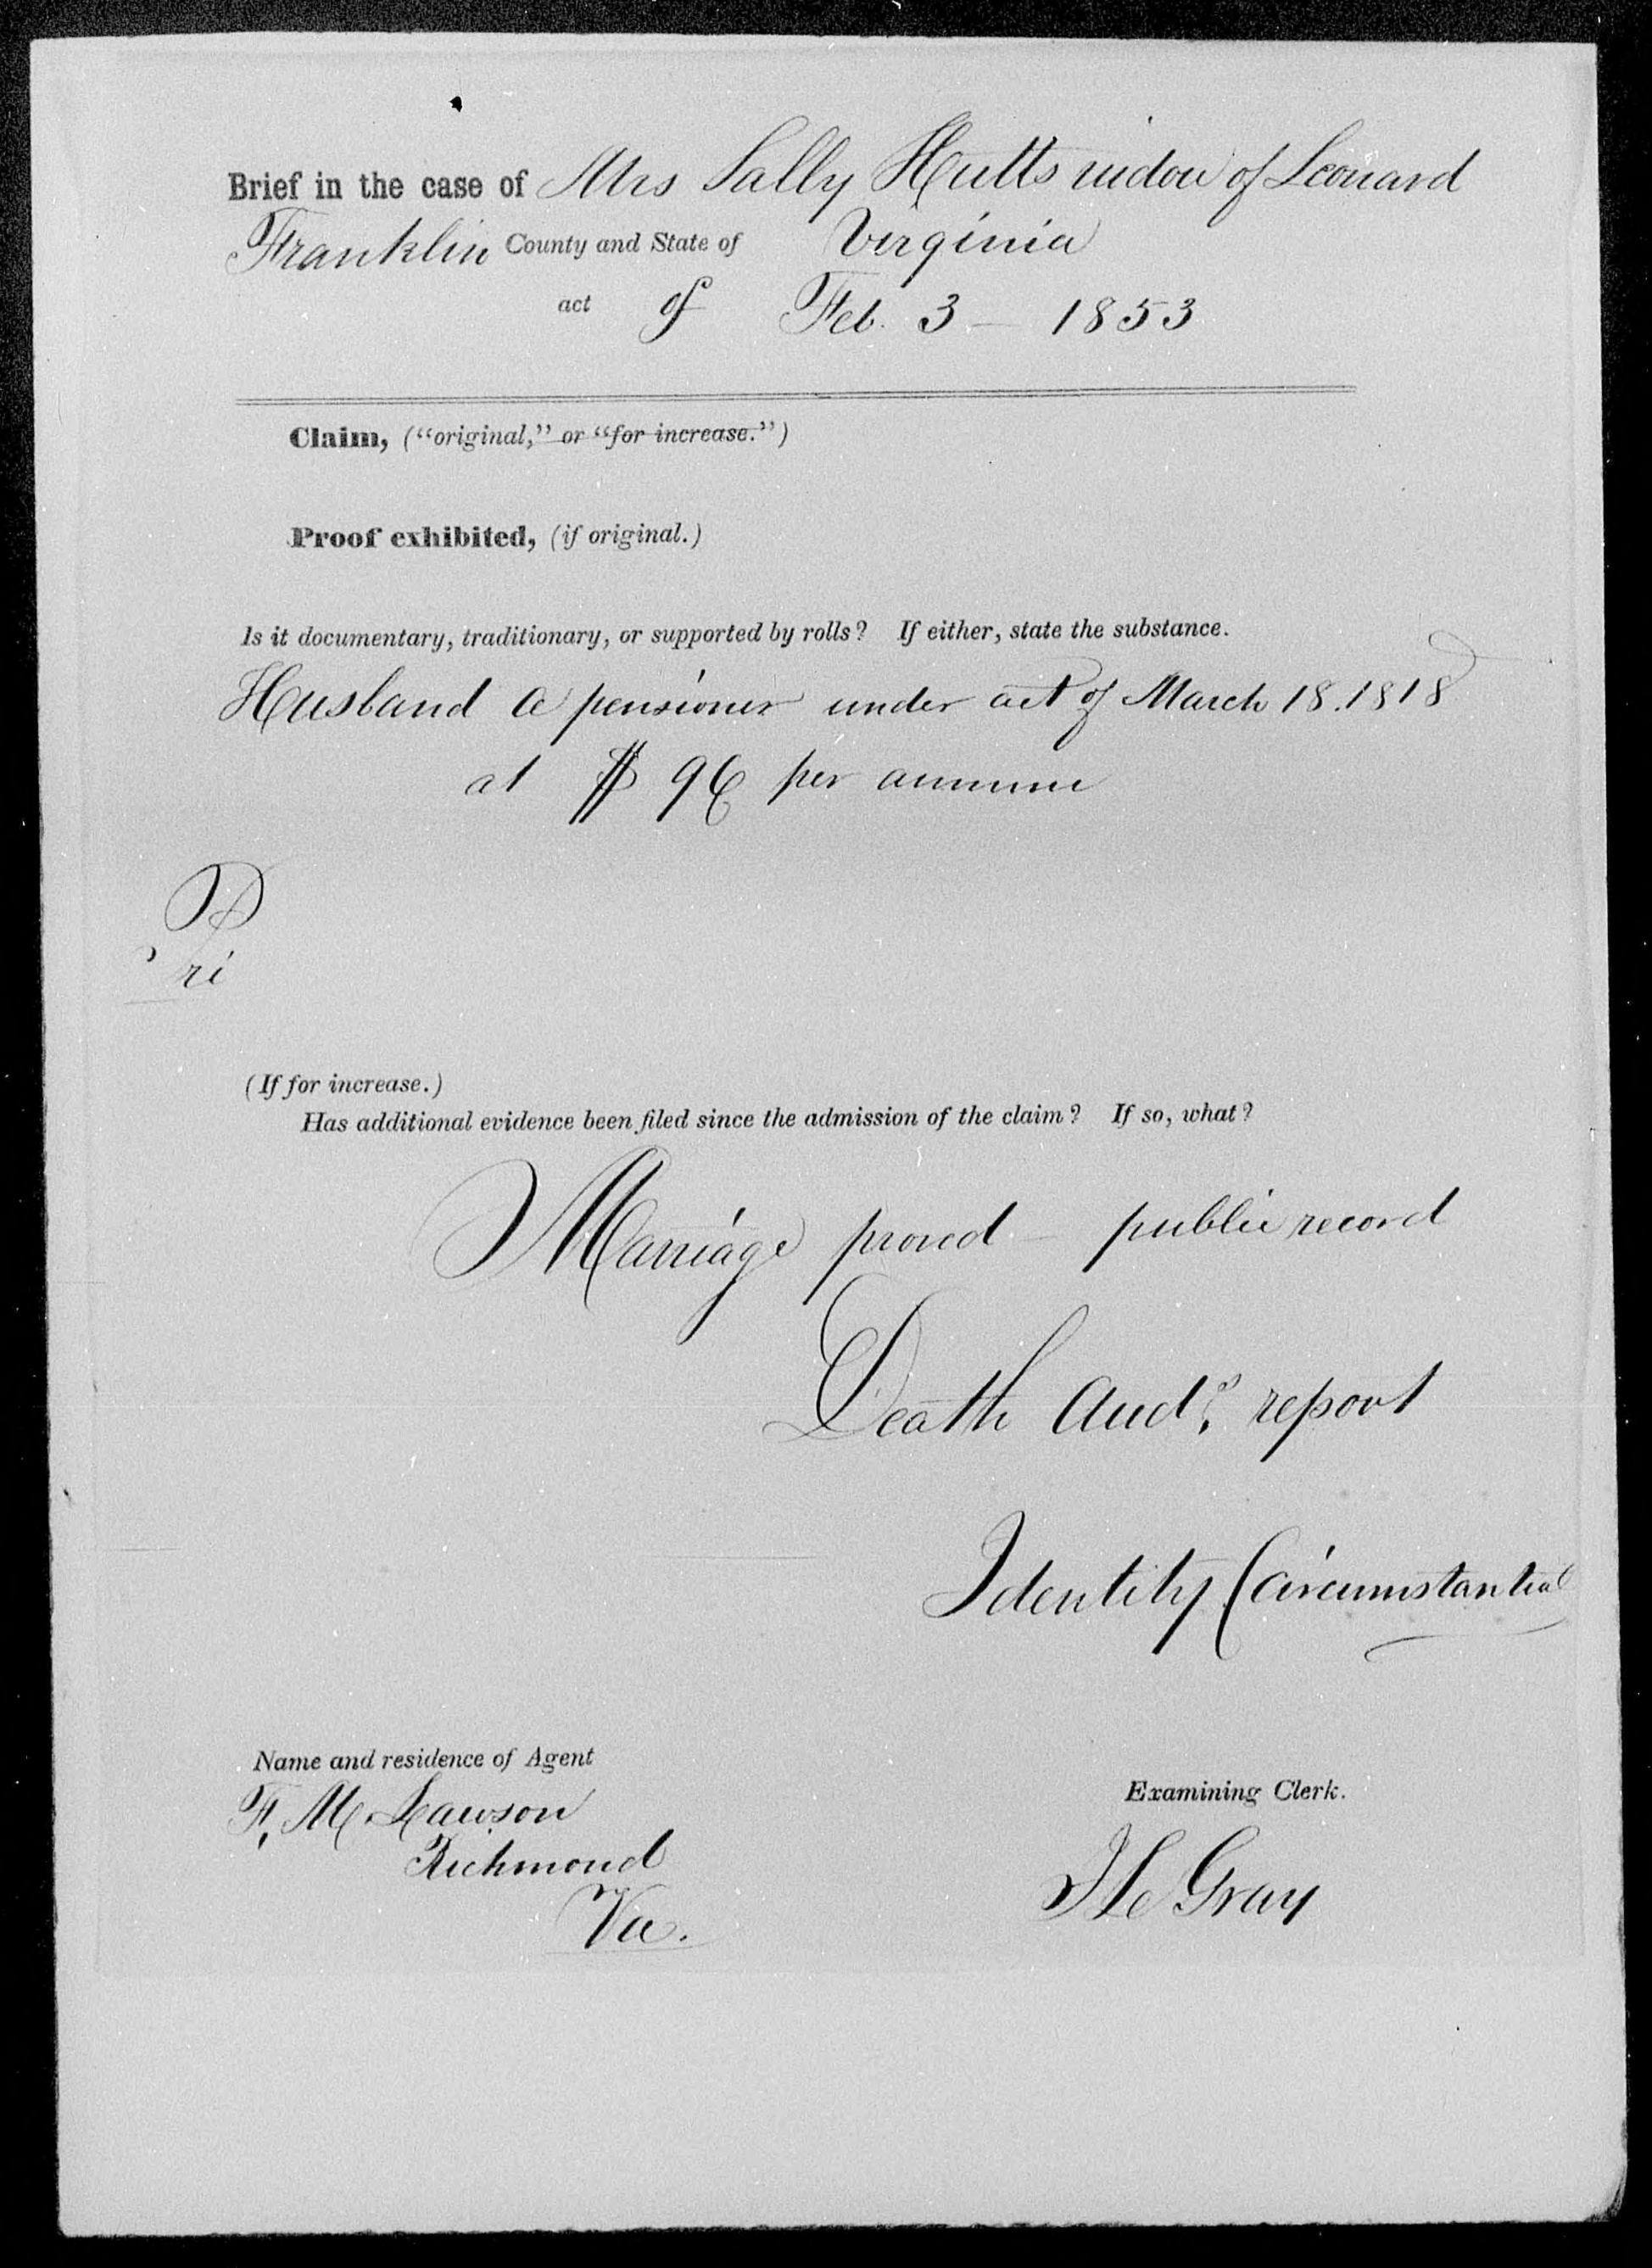[typed form, with handwritten responses]

Brief in the case of Mrs Sally Hutts widow of Leonard 
Franklin County and State of Virginia 
act of Feb 3 1853

Claim, (“original,” or “for increase.”)

Proof exhibited, (if original.)

Is it documentary, traditionary, or supported by Rolls? If either, state the substance.
Husband a pensioner under act of March 18, 1818 
at $96 per annum

Pri

(If for increase.)
Has additional evidence been filed since the admission of the claim? If so, what?
Marriage proved – public record
Death Audr [Auditor] report

Identity Circumstantial
Name and residence of Agent
F M. Lawson
Richmond Va

Examining Clerk,
J L Gray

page: 26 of 33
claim: widow's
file: W. 550, for Leonard Hutts, Virginia